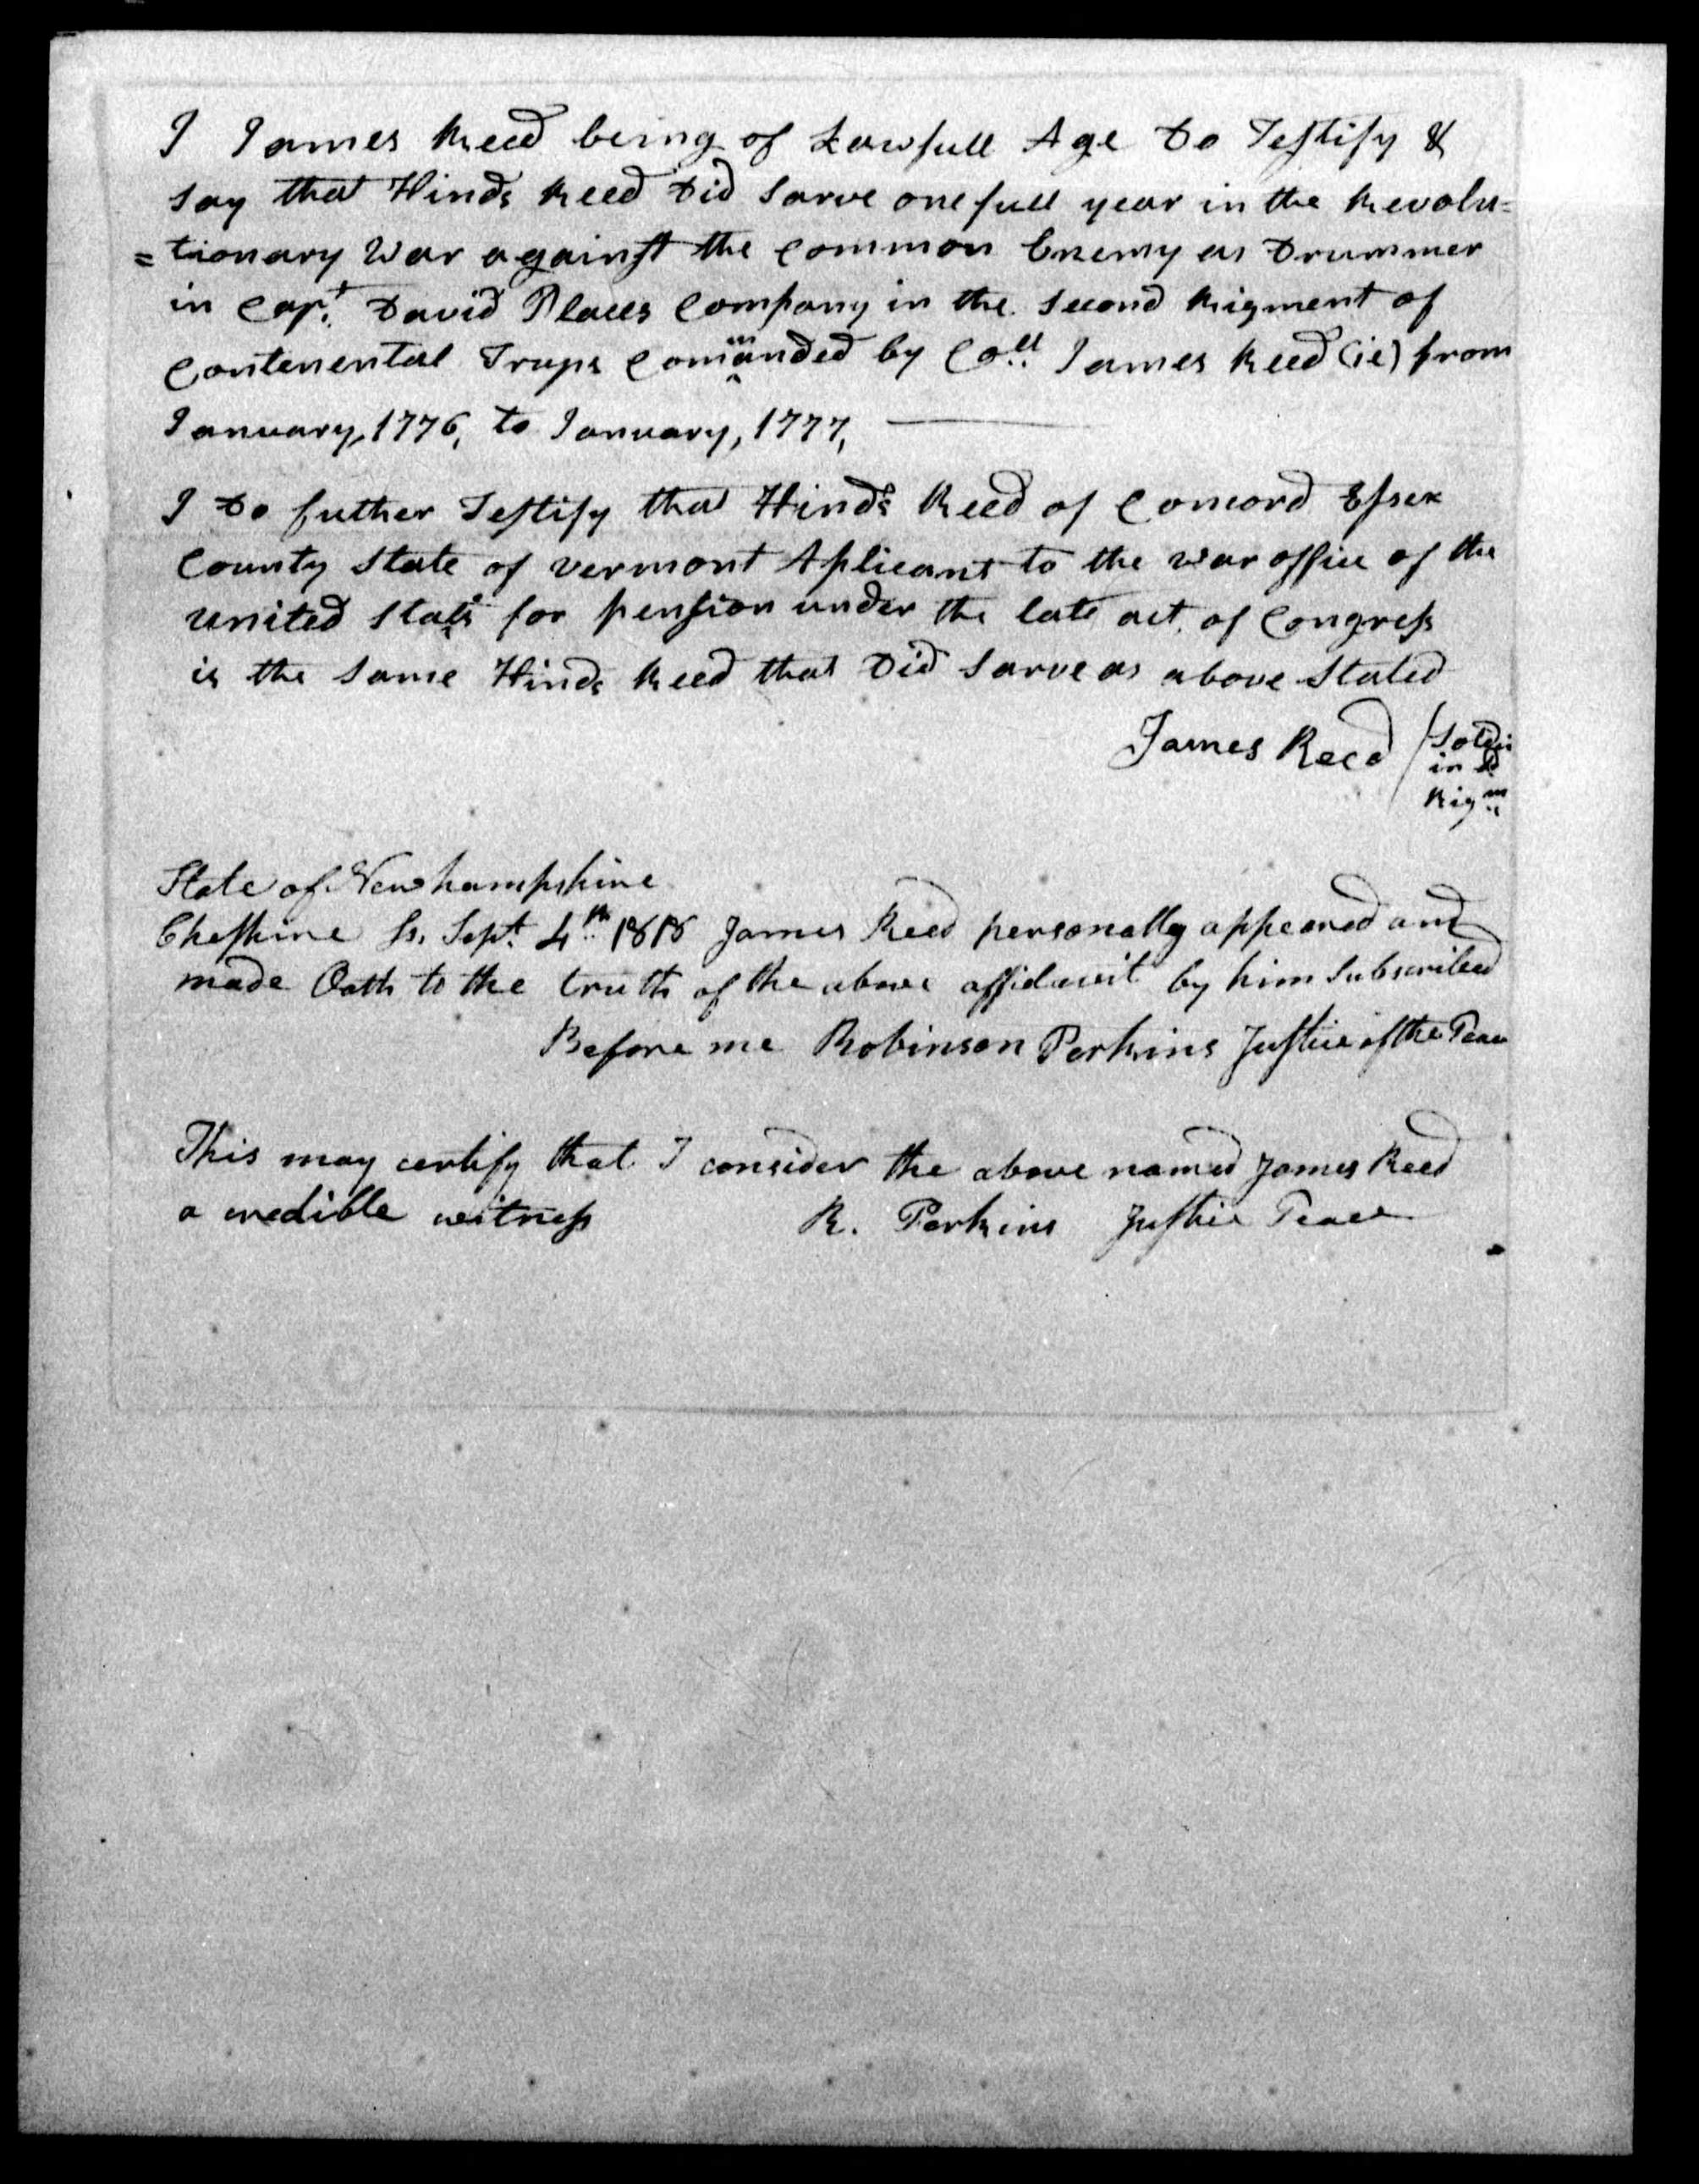I James Reed being of Lawfull age to testify &
say that Hinds Reed did serve one full year in the Revolutionary war against the common enemy as Drummer
in Capt David Places company in the second Regiment of
Continental Troops commanded by Col James Reed (e) from
January 1776 to January, 1777,
-
I do further testify that Hinds Reed of Concord Essex
County State of Vermont applicant to the war office of the
United States for pension under the late act of Congress
is the same kind heed that did serve as above stated
[signature] James Reed [illegibl

State of Newhampshire
Cheshire Ss. Sept 4th 1818 James Reed personally appeared and
made Oath to the truth of the above affidavit
by him subscribed
Before me Robinson Perkins Justice of the Peace
This may certify that I consider the above named James Reed
a credible witness
[signature] R. Perkins Justice Peace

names: James Reed; James Reed; R Perkins; Hinds Reed; James Reed; Hinds Reed; James Reed; Hinds Reed; Robinson Perkins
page: 13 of 19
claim: survivor's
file: S 41975, for Hinds Reed, New Hampshire